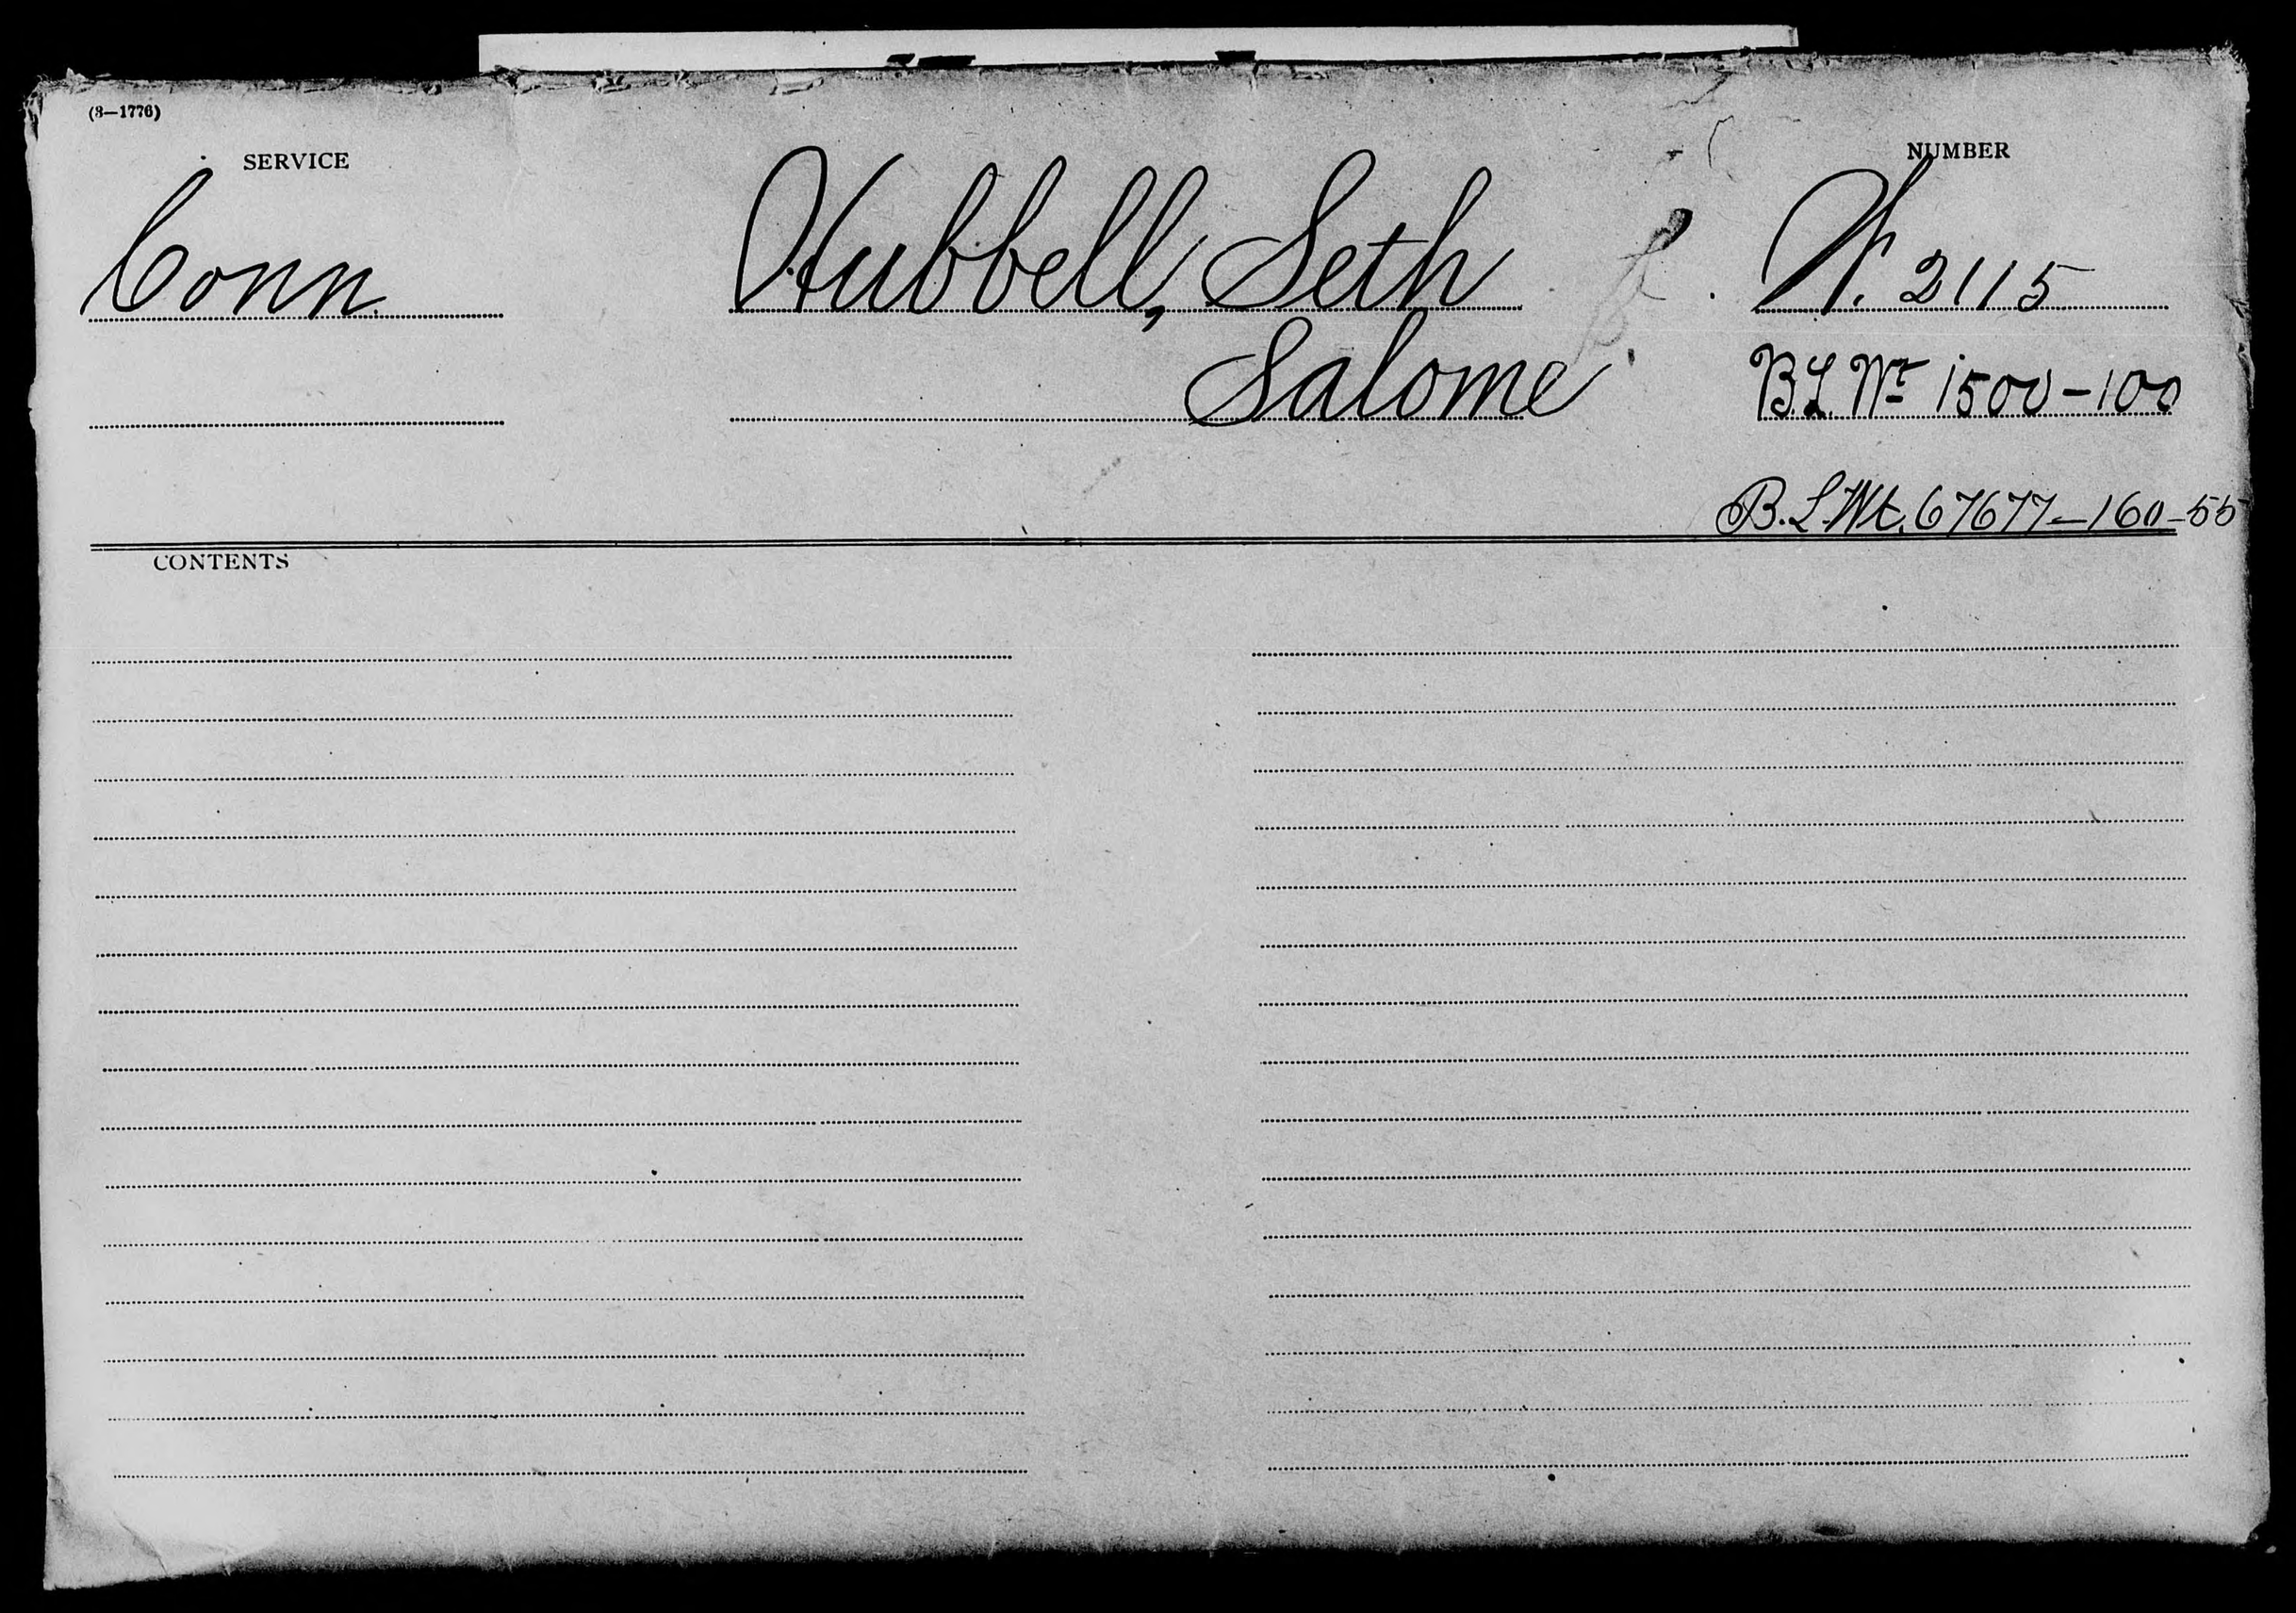Service
Conn.
Hubbell, Seth
Salome
Number
W. 2115
B.L.Wt 1500-100
B. L. Wt.67677-160-55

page: 1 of 114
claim: widow's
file: W. 2115, Seth Hubbell, Conn.